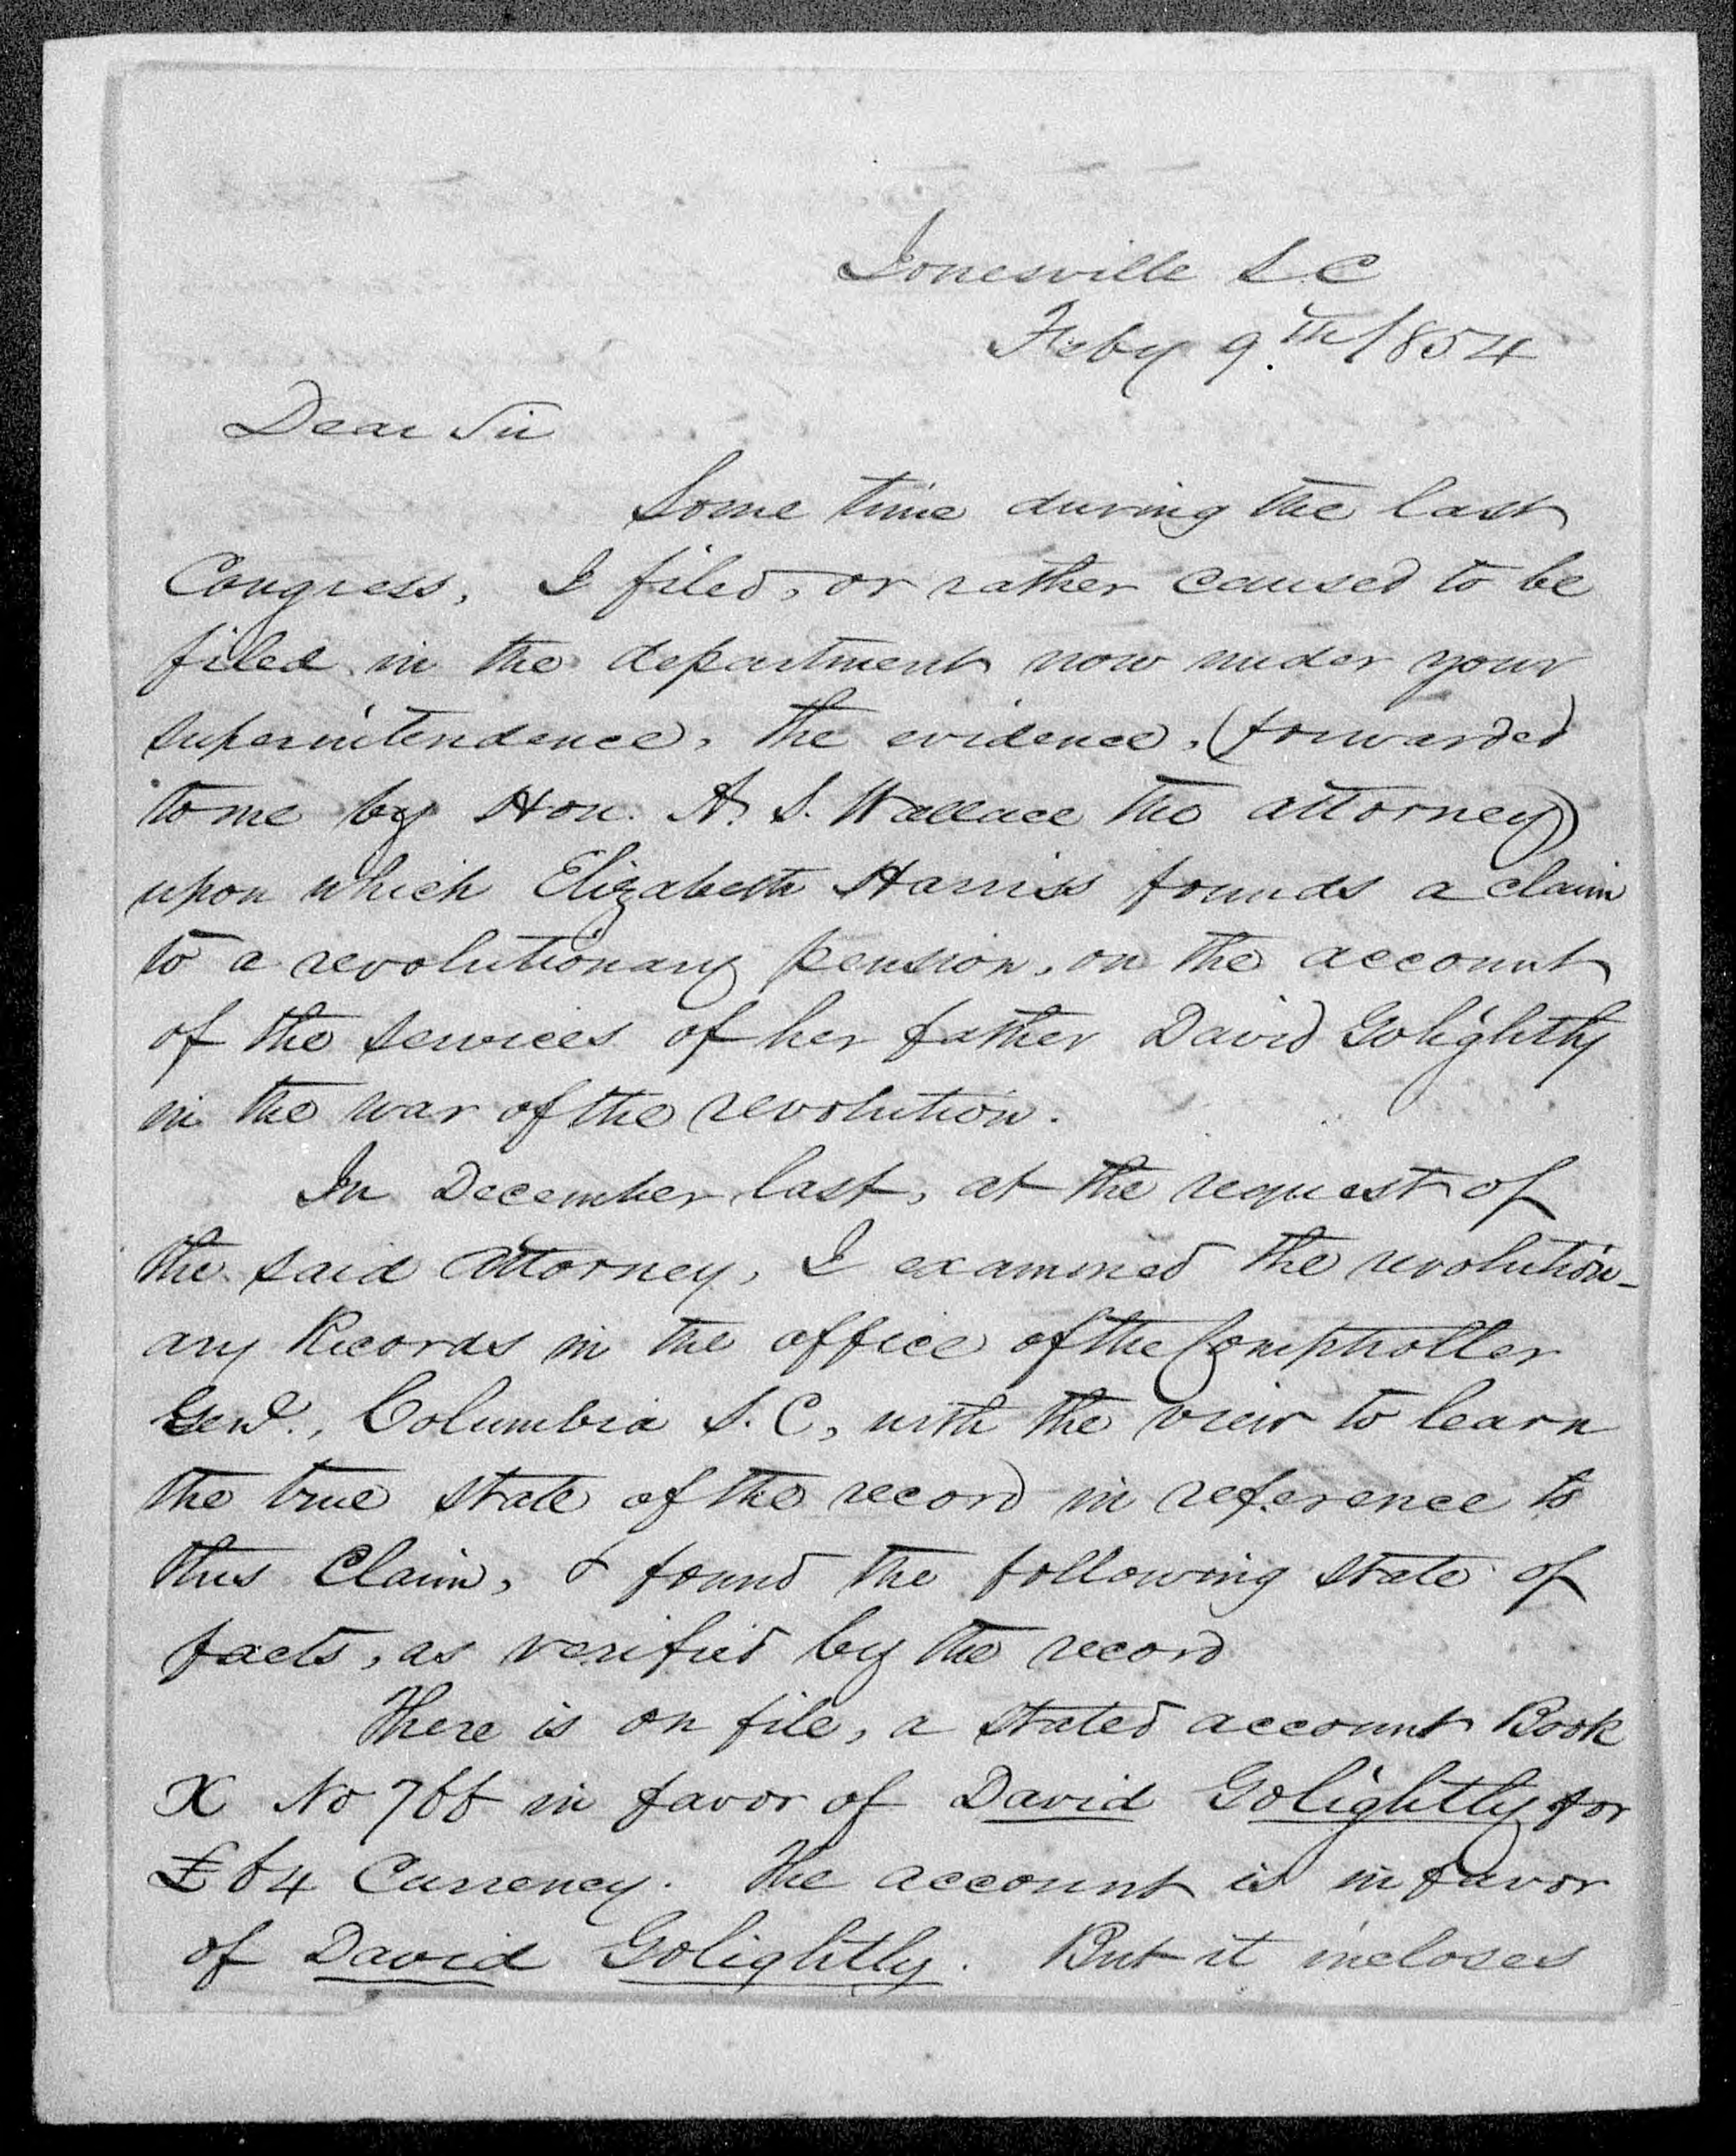Dear Sir
Jonesville S
Feby 9th 1854
some time during the last
Congress, I filed, or rather caused to be
filed in the department now under your
Superintendence, the evidence, (forwarded
to me by Hon. A. S. Wallace the attorney)
upon which Elizabeth Harris founds a claim
to a revolutionary pension, on the account
of the services of her father David Golightly
in the war of the revolution.
In December last, at the request of the said Attorney, I examined the revolutionary Records in the office of the Comptroller Genl., Columbia S.C. with the view to learn
the true state of the record in reference to
this claim, & found the following State of
facts, as verified by the record.

   There is on file, a stated account Book X No 766 in favor of David Golightly, for $4 Currency. The account is in favor
of David Golightly. But it encloses
-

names: Elizabeth Harriss, David Golightly, David Golightly, A S Wallace, David Golightly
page: 26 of 57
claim: survivor's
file: S. 18888, David Golightly, S.C.